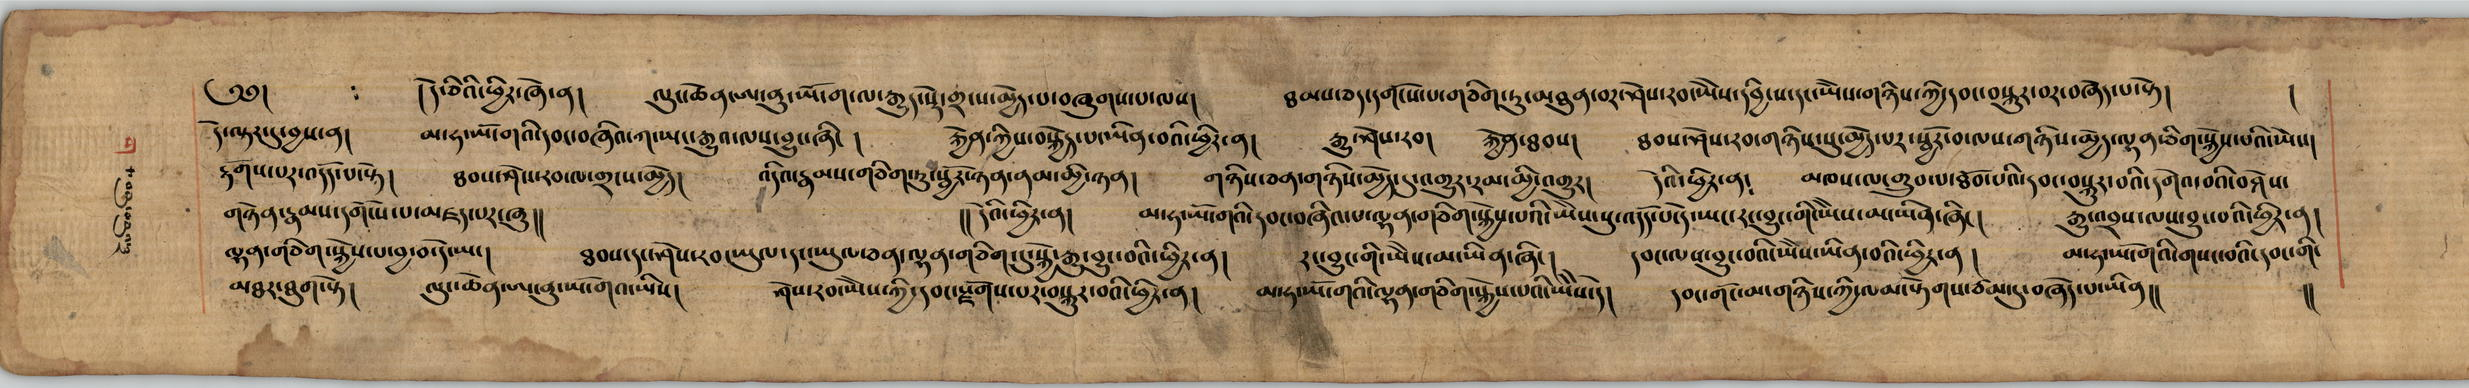༄༅། །དེ་ཅིའི་ཕྱིར་ཞེ་ན། ལུང་ཆེན་ཨ་ནུ་ཡོ་ག་ལ་རྒྱུད་སྡེ་གྲངས་མྱེད་པ་བཞུགས་པ་ལས། ཐམས་ཅད་དགོངས་པ་གཅིག་ཏུ་མཐུན་བར་ཤེས་རབ་ཡཻས་དབྱིངས་དང་ཡཻས་གཉིས་ཀྱི་དབང་བསྐུར་བར་བཞེད་པ་སྟེ། །
དེ་ལྟར་དུ་བྱས་ན། མ་ཧ་ཡོ་གའི་དབང་བཞིའ་ཀ་ཡང་རྒྱུའ་ལས་བྱུང་ཞིང། རྐྱེན་ཀྱིས་བསྐྱེད་པ་ཡིན་བའི་ཕྱིར་ན། རྒྱུ་ཤེས་རབ། རྐྱེན་ཐབས། ཐབས་ཤེས་རབ་གཉིས་སུ་མྱེད་པར་སྦྱོར་བ་ལས་གཉིས་མྱེད་ལྷན་ཅིག་སྐྱེས་པའི་ཡེས།
རྟོགས་པར་འདོད་པ་སྟེ། ཐབས་ཤེས་རབ་ལ་གྲངས་མྱེད། འདིའ་རྣམས་གཅིག་ཏུ་སྦྱོར་ཉན་ནམ་མྱི་ཉན། གཉིས་ཅན་གཉིས་མྱེད་དུ་འགྱུར་རམ་མྱི་འགྱུར། དེའི་ཕྱིར་ན༴ མཁས་ལ་གྲུབ་པ་ཐོབ་པའི་དབང་བསྐུར་བའི་དགེའ་བའི་བཤེས་
གཉེན་རྣམས་དགོངས་པ་མཛད་པར་ཞུ།། །།དེའི་ཕྱིར་ན། མ་ཧ་ཡོ་གའི་དབང་བཞིའ་པ་ལྷན་གཅིག་སྐྱེས་པའི་ཡཻས་སུ་འདོད་པ་དེ་ཡང་རང་བྱུང་གི་ཡཻས་མ་ཡིན་ཞིང། རྒྱུ་འབྲས་ལས་བྱུང་བའི་ཕྱིར་ན།
ལྷན་གཅིག་སྐྱེས་པ་བྱ་བ་དེ་ཡང། ཐབས་དང་ཤེས་རབ་ཡུལ་དང་ཡུལ་ཅན་ལྷན་གཅིག་ཏུ་སྐྱེ་རྒྱུ་བྱུང་བའི་ཕྱིར་ན། རང་བྱུང་གི་ཡཻས་མ་ཡིན་ཞིང། དབང་ལས་བྱུང་བའི་ཡཻས་ཡིན་བའི་ཕྱིར་ན། མ་ཧ་ཡོ་གའི་གསང་བའི་དབང་གི་
མཐར་ཐུག་སྟེ། ལུང་ཆེན་ཨ ནུ་ཡོ་གའ་ཡིས། ཤེས་རབ་ཡཻས་ཀྱི་དབང་སྫོགས་པར་བསྐུར་བའི་ཕྱིར་ན། མ་ཧ་ཡོ་གའི་ལྷན་གཅིག་སྐྱེས་པའི་ཡཻས་དེ། དབང་གོང་མ་གཉིས་ཀྱི་ལམ་སྟེགས་ཙམ་དུ་བཞེད་པ་ཡིན།།